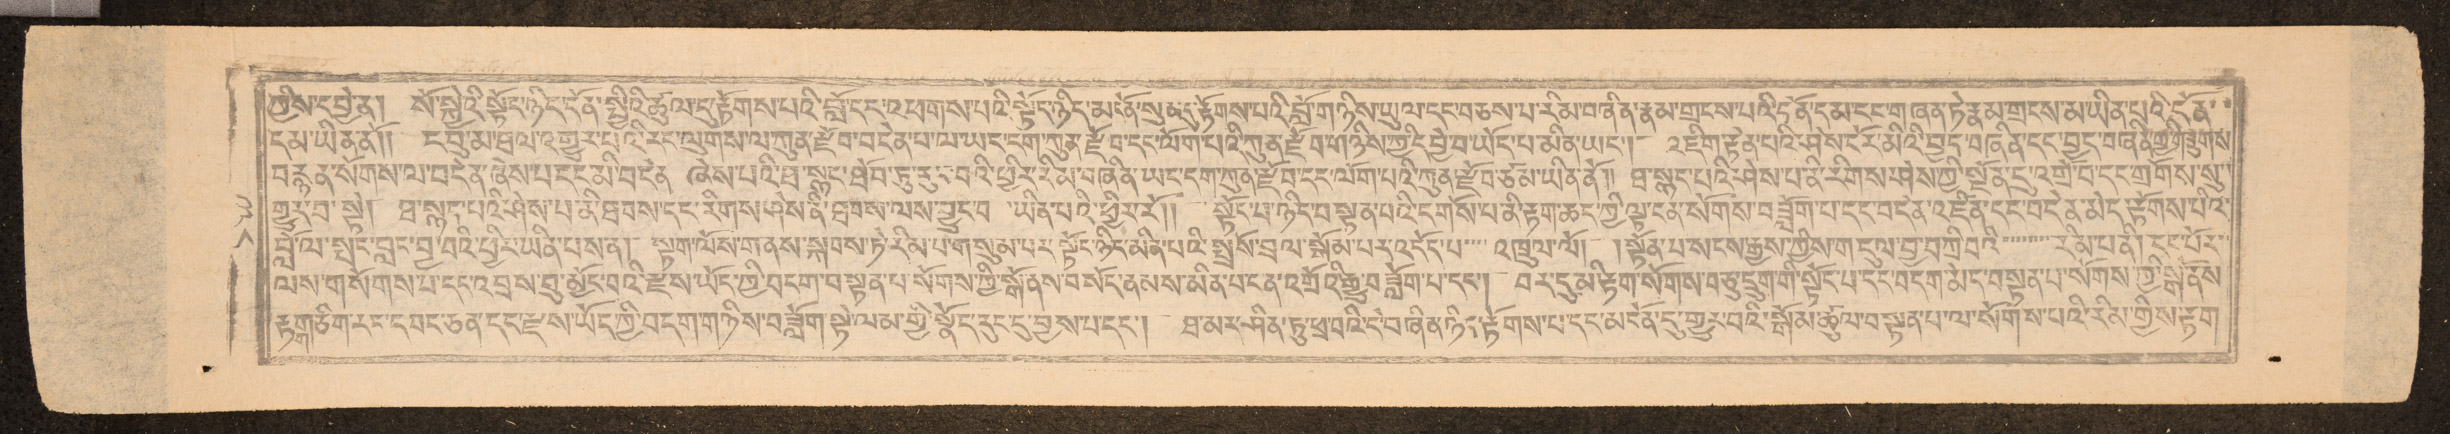ཀྱིས་དབྱེ་ན། སོ་སྐྱེའི་སྟོང་ཉིད་དོན་སྤྱིའི་ཚུལ་དུ་རྟོགས་པའི་བློ་དང་འཕགས་པའི་སྟོང་ཉིད་མངོན་སུམ་དུ་རྟོགས་པའི་བློ་གཉིས་ཡུལ་དང་བཅས་པ་རིམ་བཞིན་རྣམ་གྲངས་པའི་དོན་དམ་དང་གཞན་ཏེ་རྣམ་གྲངས་མ་ཡིན་པའི་དོན་
དམ་ཡིན་ནོ།། དབུ་མ་ཐལ་འགྱུར་པའི་རང་ལུགས་ལ་ཀུན་རྫོབ་བདེན་པ་ལ་ཡང་དག་ཀུན་རྫོབ་དང་ལོག་པའི་ཀུན་རྫོབ་གཉིས་ཀྱི་དབྱེ་བ་ཡོད་པ་མིན་ཡང་། འཇིག་རྟེན་པའི་ཤེས་ངོར་མིའི་བྱད་བཞིན་དང་བྱང་བཞིན་གྱི་གཟུགས་
བརྙན་སོགས་ལ་བདེན་ཞེས་པ་དང་མི་བདེན་ཞེས་པའི་ཐ་སྙད་ཐོབ་ཏུ་རུང་བའི་ཕྱིར་རིམ་བཞིན་ཡང་དག་ཀུན་རྫོབ་དང་ལོག་པའི་ཀུན་རྫོབ་ཙམ་ཡིན་ནོ།། ཐ་སྙད་པའི་ཤེས་པ་ནི་རིགས་ཤེས་ཀྱི་སྔོན་དུ་འགྲོ་བ་དང་གྲོགས་སུ་
གྱུར་བ་སྟེ། ཐ་སྙད་པའི་ཤེས་པ་ནི་ཐབས་དང་རིགས་ཤེས་ནི་ཐབས་ལས་བྱུང་བ་ཡིན་པའི་ཕྱིར་རོ།། སྟོང་པ་ཉིད་བསྟན་པའི་དགོས་པ་ནི་རྟག་ཆད་ཀྱི་ལྟ་ངན་སོགས་བཟློག་པ་དང་བདེན་འཛིན་དང་བདེན་མེད་རྟོགས་པའི་
བློ་ལ་སྤང་བླང་བྱ་བའི་ཕྱིར་ཡིན་པས་ན། སྟག་ལོས་གནས་སྐབས་ཏེ་རིམ་པ་གསུམ་པར་སྟོང་ཉིད་མིན་པའི་སྤྲོས་བྲལ་སྒོམ་པར་འདོད་པ་འཁྲུལ་ལོ། །སྟོན་པ་སངས་རྒྱས་ཀྱིས་གདུལ་བྱ་བཀྲི་བའི་རིམ་པ་ནི། དང་པོར་
ལས་གསོགས་པ་དང་འབྲས་བུ་མྱོང་བའི་རྫས་ཡོད་ཀྱི་བདག་བསྟན་པ་སོགས་ཀྱི་སྒོ་ནས་བསོད་ནམས་མིན་པ་ངན་འགྲོའི་རྒྱུ་བཟློག་པ་དང་། བར་དུ་མི་རྟག་སོགས་བཅུ་དྲུག་གི་སྟོང་པ་དང་བདག་མེད་བསྟན་པ་སོགས་ཀྱི་སྒོ་ནས་
རྟག་གཅིག་རང་དབང་ཅན་དང་རྫས་ཡོད་ཀྱི་བདག་གཉིས་བཟློག་སྟེ་ལམ་གྱི་སྣོད་རུང་དུ་བྱས་པ་དང་། ཐ་མར་ཤིན་ཏུ་ཕྲ་བའི་དེ་བཞིན་ཉིད་རྟོགས་པ་དང་མངོན་དུ་གྱུར་བའི་སྒོམ་ཚུལ་བསྟན་པ་ལ་སོགས་པའི་རིམ་གྱིས་རྟག་